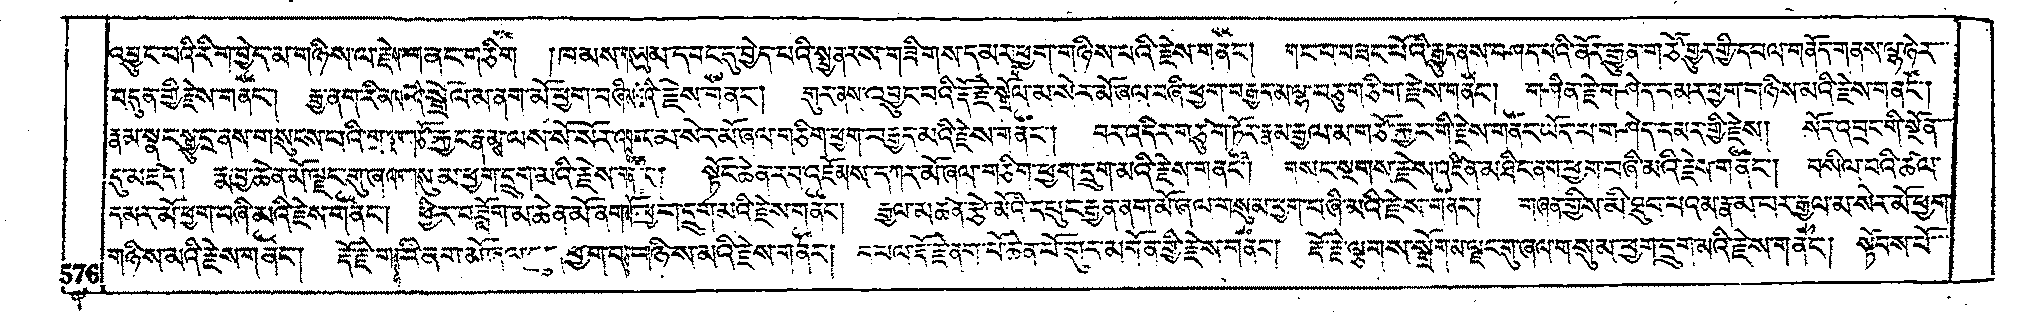འབྱུང་བའི་རིག་བྱེད་མ་གཉིས་ལ་རྗེས་གནང་གཅིག །ཁམས་གསུམ་དབང་དུ་བྱེད་པའི་སྤྱན་རས་གཟིགས་དམར་པོ་ཕྱག་གཉིས་པའི་རྗེས་གནང་། གང་བ་བཟང་པོའི་རྒྱུད་ནས་བཤད་པའི་ནོར་རྒྱུན་གཙོ་གྱུར་གྱི་དཔལ་གནོད་གནས་ལྷ་ཉེར་
བདུན་གྱི་རྗེས་གནང་། རྒྱ་ནག་རིམ་པའི་སྒྲོལ་མ་ནག་མོ་ཕྱག་བཞི་མའི་རྗེས་གནང་། གུར་ནས་འབྱུང་བའི་རྡོ་རྗེ་སྒྲོལ་མ་སེར་མོ་ཞལ་བཞི་ཕྱག་བརྒྱད་མ་ལྷ་བཅུ་གཅིག་རྗེས་གནང་། གཤིན་རྗེ་གཤེད་དམར་ཕྱག་གཉིས་མའི་རྗེས་གནང་།
རྣམ་སྣང་སྒྱུ་དྲ་ནས་གསུངས་པའི་གྲ་ལྔ་གཙོ་རྐྱང་རྣམས་ལས་སོ་སོར་འབྲང་མ་སེར་མོ་ཞལ་གཅིག་ཕྱག་བརྒྱད་མའི་རྗེས་གནང་། བར་འདིར་གཙུག་ཏོར་རྣམ་རྒྱལ་མ་གཙོ་རྐྱང་གི་རྗེས་གནང་ཡོད་པ་གཤེད་དམར་གྱི་རྗེས། སོར་འབྲང་གི་སྔོན་
དུ་མཛད། རྨ་བྱ་ཆེན་མོ་ལྗང་གུ་ཞལ་གསུམ་ཕྱག་དྲུག་མའི་རྗེས་གནང་། སྟོང་ཆེན་རབ་འཇོམས་དཀར་མོ་ཞལ་གཅིག་ཕྱག་དྲུག་མའི་རྗེས་གནང་། གསང་སྔགས་རྗེས་འཛིན་མཐིང་ནག་ཕྱག་བཞི་མའི་རྗེས་གནང་། བསིལ་བའི་ཚལ་
དམར་མོ་ཕྱག་བཞི་མའི་རྗེས་གནང་། ཕྱིར་བཟློག་མ་ཆེན་མོ་ནག་མོ་ཕྱག་དྲུག་མའི་རྗེས་གནང་། རྒྱལ་མཚན་རྩེ་མོའི་དཔུང་རྒྱན་ནག་མོ་ཞལ་གསུམ་ཕྱག་བཞི་མའི་རྗེས་གནང་། གཞན་གྱིས་མི་ཐུབ་པའམ་རྣམ་པར་རྒྱལ་མ་སེར་མོ་ཕྱག་
གཉིས་མའི་རྗེས་གནང་། རྡོ་རྗེ་གནྡྷ་རི་ནག་མོ་ཞལ་དྲུག་ཕྱག་བཅུ་གཉིས་མའི་རྗེས་གནང་། དཔལ་རྡོ་རྗེ་ནག་པོ་ཆེན་པོ་གུར་མགོན་གྱི་རྗེས་གནང་། རྡོ་རྗེ་ལྕགས་སྒྲོག་མ་ལྗང་གུ་ཞལ་གསུམ་ཕྱག་དྲུག་མའི་རྗེས་གནང་། སྟོབས་པོ་